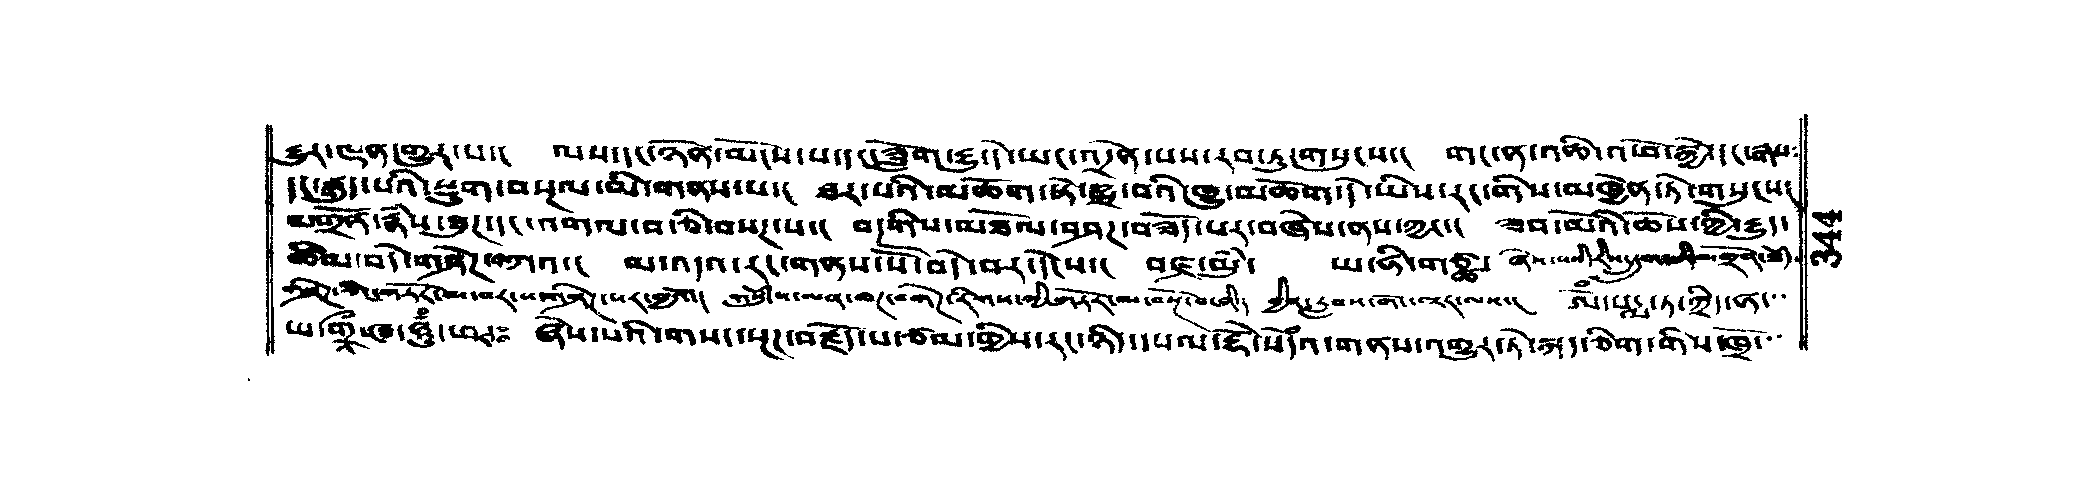རྒྱུར་ལྡན་གྱུར་པ། །ལས་དང་ཉོན་མོངས་པ་དང་ཟློག་རྒྱུ་དེ་ཡང་འདྲེན་པས་རབ་ཏུ་གསུངས། །གང་ན་འཆི་འཕོ་སྐྱེ་དང་རྒས་
དང་རྒུད་པའི་སྡུག་བསྔལ་མི་གནས་པ། །ཐར་པའི་མཆོག་སྟེ་སྨྲ་བའི་ཁྱུ་མཆོག་དེ་ཡིས་རང་གིས་མཁྱེན་ཏེ་གསུངས། །
མགྲོན་རྣམས་ཐུགས་དང་འགལ་བ་ཅི་བསགས་པ། །བདག་གིས་མཐོལ་བཤགས་བཟོད་པར་བཞེས་ནས་ཀྱང་། །ཟབ་མོའི་ཆོས་ཀྱིས་རྒྱུད་
ཚིམ་བདེ་བཤེགས་བཀའ། །མ་འདའ་རང་གནས་སོ་སོར་བདེ་བར་དེངས། བཛྲ་མུཾ། ཡ་ཧི་གཙྪ། ཞེས་པས་རིགས་དྲུག་གི་མགྲོན་ཐམས་ཅད་
གཤགས་ཤིང་གཏོར་མ་བར་པ་གཤེགས་པར་བྱའོ། གསུམ་པ་ལན་ཆགས་བགེགས་རིགས་ཀྱི་གཏོར་མ་བསྔོ་བ་ནི། བྱིན་རླབས་གོང་ལྟར་ལས། ཨོཾ་པདྨ་ཏ་ཀྲིད་ཧྱ་
གྲཱྀ་ཝ་ཧཱུྃ་ཕཊཿ ཞེས་པའི་གསང་སྔགས་བརྗོད་པ་ཙམ་གྱིས་རང་ཉིད་དཔལ་རྡོ་རྗེ་སེམས་དཔའ་གནས་འགྱུར་ཏེ་སྐད་ཅིག་གིས་ཁྲོ་